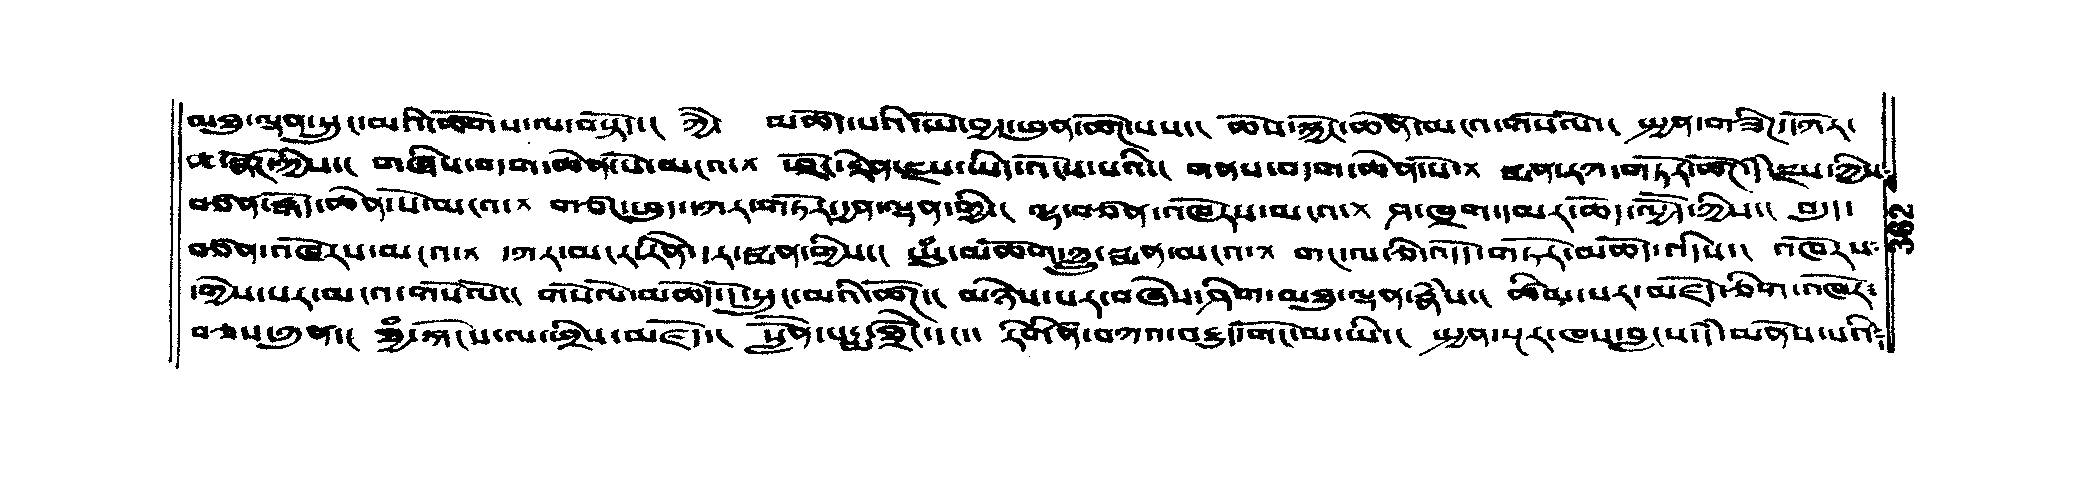མཐུ་ལྡན་སྲུང་མའི་ཚོགས་ལ་བསྟོད། ། ཀྱེ། མཆོད་པའི་ཡོ་བྱད་ཕུན་ཚོགས་པས། །ཆོས་སྐྱོང་ཆེན་པོ་མངའ་གསོལ་ལོ། །སྤྱན་གཟིགས་དཀོར་
ཆ་སྣ་ཚོགས་ཀྱིས། །གཞི་བདག་ཆེན་པོ་མངའ་གསོལ་ལོ། །ཕོ་བྲང་རྟེན་རྫས་ཡིད་འོང་བའི། །གནས་བདག་ཆེན་པོ་མངའ་གསོལ་ལོ། །སྨན་རཀ་གཏོར་ཚོགས་དམ་རྫས་ཀྱིས། །
བཙན་རྒོད་ཆེན་པོ་མངའ་གསོལ་ལོ། །གཙང་ཕུད་དཀར་གཏོར་རྒྱན་ལྡན་གྱི། །ལྷ་བཙན་འཁོར་བཅས་མངའ་གསོལ་ལོ། །ཤ་ཁྲག་དམར་མཆོད་ལོངས་་སྤྱོད་ཀྱིས། །བདུད་
བཙན་འཁོར་བཅས་མངའ་གསོལ་ལོ། །དཀར་དམར་རིན་ཆེན་དར་སྨན་གྱིས། །ཡུམ་མཆོག་ཀླུ་སྨན་མངའ་གསོལ་ལོ། །གང་ལ་ཅི་འདོད་གཏོར་མཆོད་འདིས། །འཁོར་བཅས་
དགྱེས་པར་མངའ་གསོལ་ལོ། །གསོལ་ལོ་མཆོད་དོ་སྲུང་མའི་ཚོགས། །མཉེས་པར་བཞེས་ཤིག་མཐུ་ལྡན་རྣམས། །ཚིམ་པར་མཛོད་ཅིག་འཁོར་
བཅས་ཀུན། །ཐུགས་དམ་སྐོངས་ལ་ཕྲིན་ལས་མཛོད། །སློབ་དཔོན་པདྨ་ཐོད་ཕྲེང་དང་། །རིག་འཛིན་བཀའ་སྲུང་གོང་མ་ཡི། །སྤྱན་སྔར་ཁས་བླང་དམ་མནོས་པའི། །